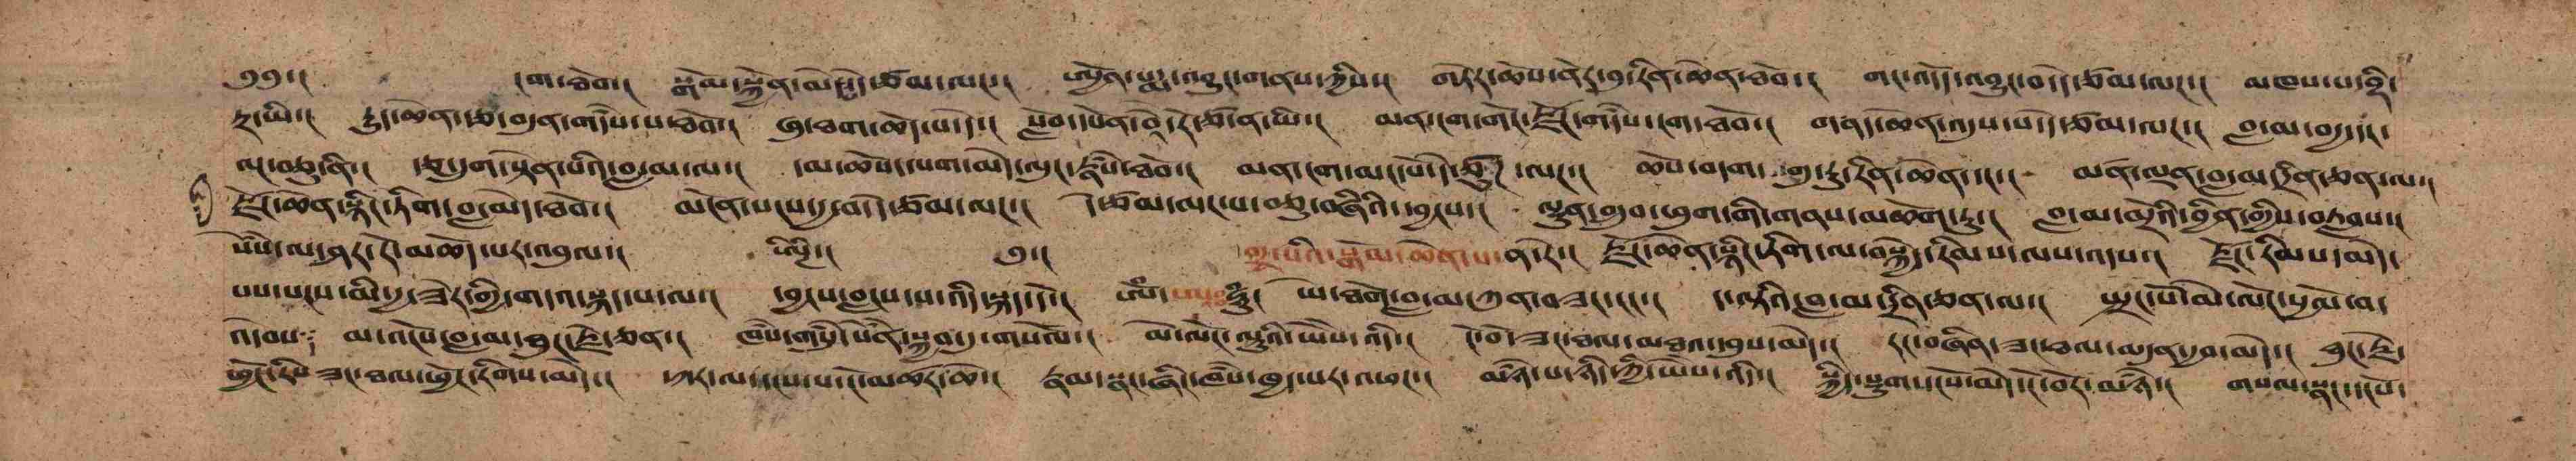༄༅་། ངག་ཐོབ། སྒོམ་སྐྱོན་མེད་པ་དེ་ཙམ་ལགས། ཨོ་རྒྱན་པད་མ་འབྱུང་གནས་ཀྱིས། གཏེར་ཆོས་ནོར་བུ་རིན་ཆེན་ཐོབ། གང་འདོད་འབྱུང་བ་དེ་ཙམ་ལགས། མཁས་པ་བྷི་
ཏྲ་ཡི། རྒྱུད་ཆེན་རྩ་བདུན་གདམས་པ་ཐོབ། ཞུ་ཐག་ཆོད་པ་དེ། སློབ་དཔོན་བཱེ་རོ་ཙ་ན་ཡི། མན་ངག་གོང་རྫོང་གདམས་ངག་ཐོབ། གནད་ཆེན་འདུས་པ་དེ་ཙམ་ལགས། བླ་མ་བརྒྱ་དང་
ལྔ་བཅུ་ནི། རྩ་དྲུག་སྟོན་པའི་བླ་མ་ལགས། དམ་ཆོས་དཔགས་མེད་ལུང་རྣམས་ཐོབ། མན་ངག་མང་པོ་དེ་ཙུགས་ལགས། ཆོས་བདག་གུ་རུ་རིན་ཆེན་དང་། མཚན་ལྡན་བླ་མ་དྲིན་ཆེན་ལ། 
རྫོགས་ཆེན་སྙིང་སྟིག་བླ་མེད་ཐོབ། མངོན་སངས་རྒྱ་བའི་དེ་ཙམ་ལགས། དེ་ཙམ་ལགས་པ་བཅུ་བཞིའི་དབྱངས། ལྷུན་གྲུབ་ཕུག་གི་གནས་མཆོག་ཏུ། བླ་མཁའ་འགྲོའི་བྱིན་གྱིས་བརླབས། 
སེམས་ལ་ཤར་རོ་མཆོད་པར་འབུལ། ཨིཊི། ༄་། གྲྭ་པའི་སྒོམ་ཆེན་པ་ན་རེ། རྫོགས་ཆེན་སྙིང་ཏིག་ལ་བསྐྱེད་རིམས་ལས་འདས། རྫོགས་རིམས་མེད་
པས་སངས་རྒྱས་མི་རྒྱ་ཟེར་གདའ་སྐད་པ་ལ། དབྱངས་བླངས་པ་འདི་སྐད་དོ། ཨོཾ་ཨཿཧཱུཾ། ཡེ་ཐོག་བླ་མ་ཀུན་བཟང་ངང་། ད་ལྟའི་བླ་མ་དྲིན་ཅན་ལ། སྤྲང་པོ་མེ་ལོང་གསོལ་བ་
འདེབས༑ མ་འོངས་བླ་མ་ཐུགས་རྗེ་ཅན། ཁམས་གསུམ་སེམས་ཅན་སྐྱབས་དུ་གསོལ། མེ་ལོང་ལྟ་བུའི་ཡེ་ཤེས་འདི། ངོ་བོ་ཟང་ཐལ་མཐའ་དབུས་མེད། རང་བཞིན་ཟང་ཐལ་མདུན་རྒྱབ་མེད། ཐུགས་རྗེ་
ཕྱོགས་རིས་ཟང་ཐལ་ཕྱོགས་རིགས་མེད། དཀར་ལ་དངས་པ་ངོ་མཚར་ཆེ། རྣམ་སྣང་ཞིང་ཁམས་ཁྱད་པར་འཕགས། མཉམ་པ་ཉིད་ཀྱི་ཡེ་ཤེས་འདི། སྐྱིད་སྡུག་དངོས་མེད་ངོ་བོར་མཉམ། གསལ་སྣང་དངོས་